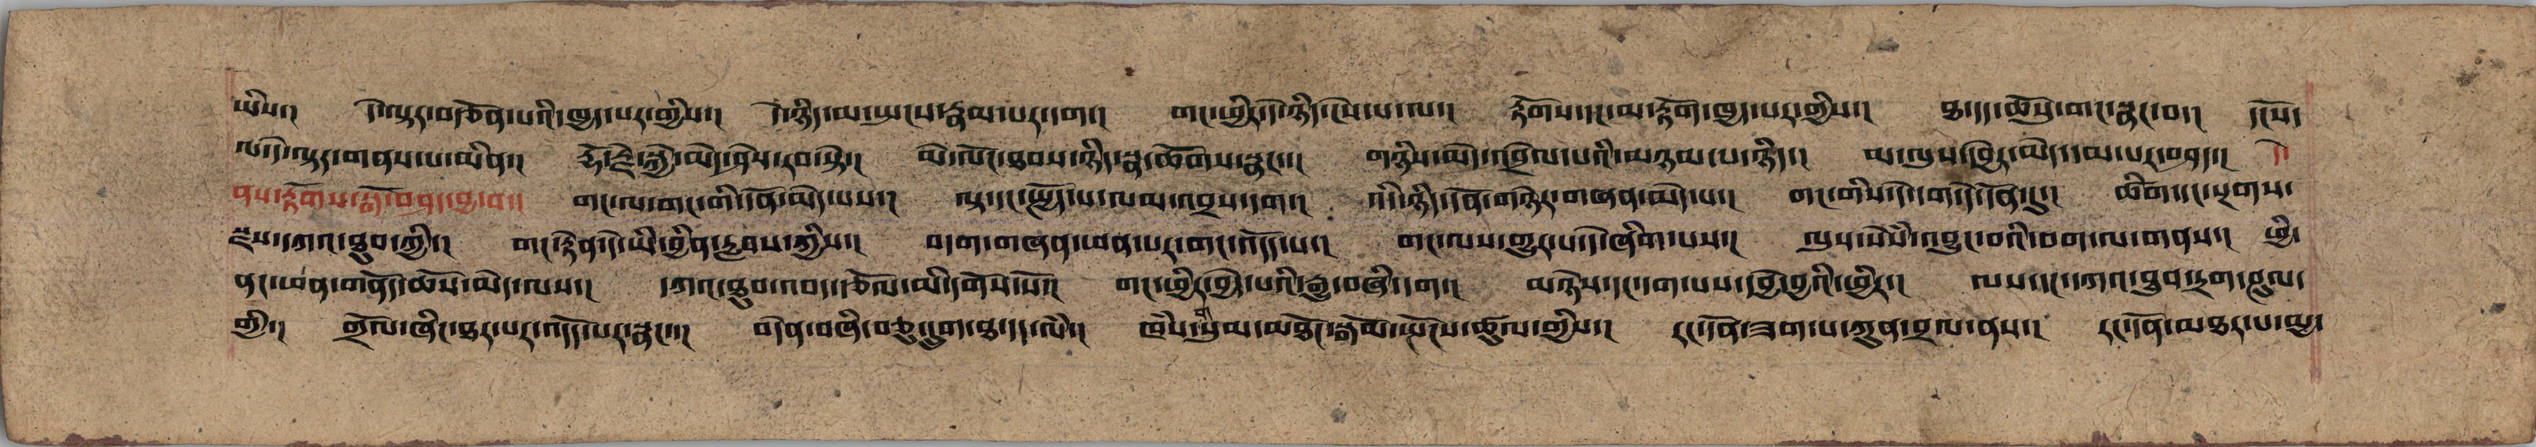ཡིས་། དེ་ལྟར་བརྩོན་པའི་ཁྱད་པར་གྱིས་། དེ་ཉིད་མ་སྤངས་རྣམ་པར་དག་། གང་ཕྱིར་དེ་ཉིད་ངེས་པ་ལ་། རྟོགས་དང་མ་རྟོག་ཁྱད་པར་གྱིས་། ཐ་དད་ཆོསུ་གང་སྣང་བ་། དངོས་
ལ་དེ་ལྟར་གནས་པ་མིན་། རྡོ་རྗེ་སྐྱེ་མེད་ཤེས་རབ་སྟེ་། མེ་ལོང་ཐབས་ཉིད་སྣ་ཚོགས་སྣང་་། གཉིས་མེད་འབྲེལ་པའི་མཉམ་པ་ཉིད་། མ་ལུས་དབྱེར་མེ་དམ་པར་བཤད་།
ནས་རྟོགས་སྒོ་བཤད་བྱ་བ་། གང་ལ་གང་གི་དོན་མེད་པས་། ལྟ་དང་སྤྱོད་པ་ལམ་འབྲས་དག་། འདི་ཉིད་དོན་གཉེར་གཞན་མེད་པ་། གང་གིས་དེ་དག་དེ་དོན་དུ་། ཚིག་དང་སྔགས་
སྫས་དཀའ་ཐུབ་ཀྱི་། གང་རྟེན་དེ་ཡི་བྱིན་རླབས་ཀྱིས་། བདག་གཞན་ཕན་པར་གང་འདོད་པ་། གང་ལ་གྱུར་པ་དེ་ཞིག་པས་། ལུས་སེསཾ་འབྱུང་བའི་བག་ལ་གནས་། ཕྱི་
ནང་ཕན་གནོད་ཆོས་མདེ་ལས་། དཀའ་ཐུབ་འབད་རྩོལ་མི་དགོས་སོ་། གང་ཕྱིར་བྱེད་པའི་རྒྱུ་བཞི་དག་། མཉེས་དང་དག་པས་དབྱེ་བྱའི་ཕྱིར་། ལས་དང་དཀའ་ཐུབ་དྲག་ཤུལ་
གྱི་། གྲོལ་ཞིང་ཐར་པར་འདོད་པར་སྣང་་། བདེན་བཞི་བཅུ་དྲུག་ཐ་དད་ལཾ་། ཁཾས་གསུཾ་མཐོང་སྒོམ་སྤོངས་ཚུལ་གྱིས་། རང་དོན་ཟག་པ་ཀུན་བྲལ་ནས་། རང་དོན་མཐར་པ་མྱ་